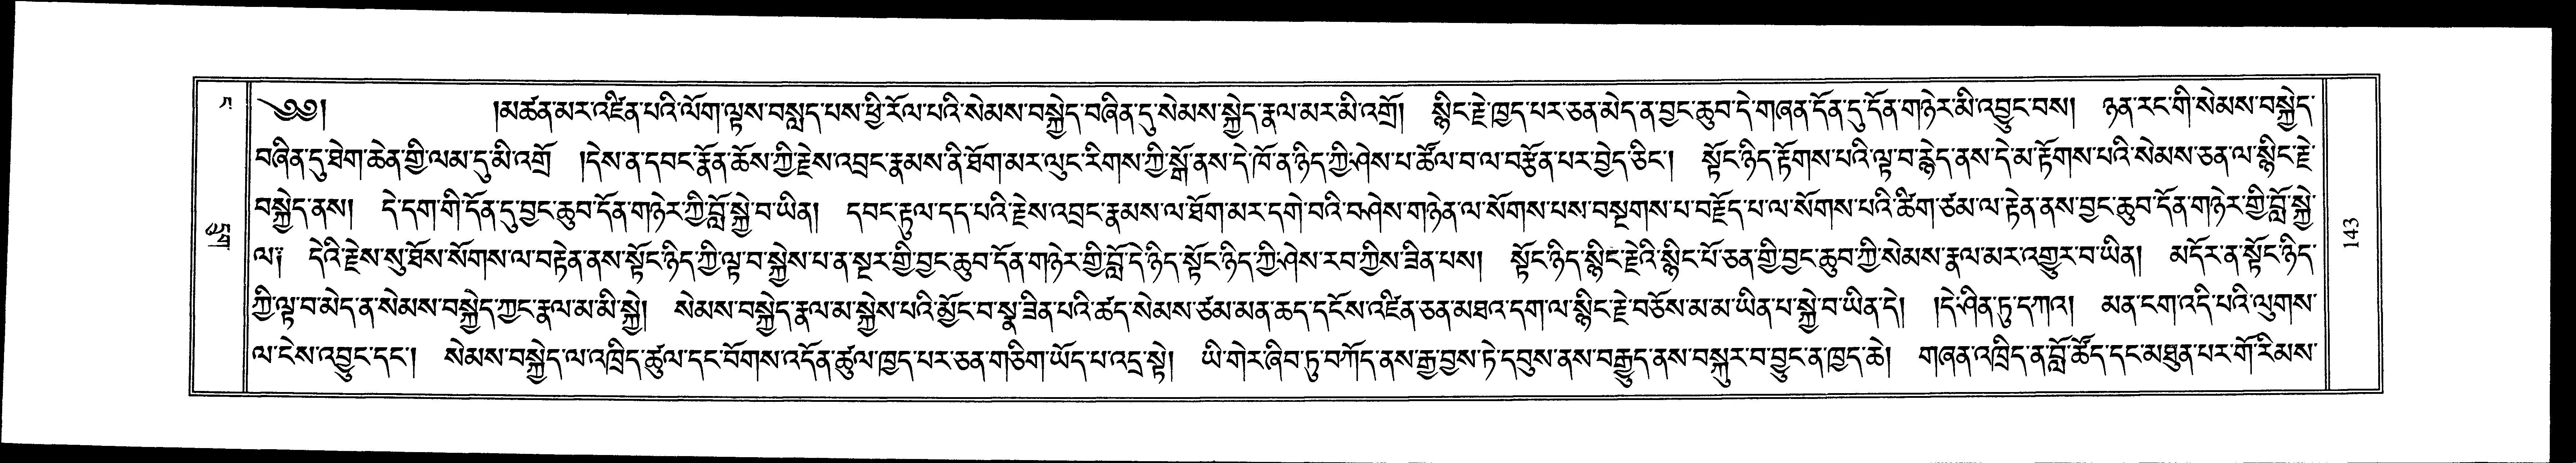༄༅། །མཚན་མར་འཛིན་པའི་ལོག་ལྟས་བསླད་པས་ཕྱི་རོལ་པའི་སེམས་བསྐྱེད་བཞིན་དུ་སེམས་སྐྱེད་རྣལ་མར་མི་འགྲོ། སྙིང་རྗེ་ཁྱད་པར་ཅན་མེད་ན་བྱང་ཆུབ་དེ་གཞན་དོན་དུ་དོན་གཉེར་མི་འབྱུང་བས། ཉན་རང་གི་སེམས་བསྐྱེད་
བཞིན་དུ་ཐེག་ཆེན་གྱི་ལམ་དུ་མི་འགྲོ་།དེས་ན་དབང་རྣོན་ཆོས་ཀྱི་རྗེས་འབྲང་རྣམས་ནི་ཐོག་མར་ལུང་རིགས་ཀྱི་སྒོ་ནས་དེ་ཁོ་ན་ཉིད་ཀྱི་ཤེས་པ་ཚོལ་བ་ལ་བརྩོན་པར་བྱེད་ཅིང་། སྟོང་ཉིད་རྟོགས་པའི་ལྟ་བ་རྙེད་ནས་དེ་མ་རྟོགས་པའི་སེམས་ཅན་ལ་སྙིང་རྗེ་
བསྐྱེད་ནས། དེ་དག་གི་དོན་དུ་བྱང་ཆུབ་དོན་གཉེར་ཀྱི་བློ་སྐྱེ་བ་ཡིན། དབང་རྟུལ་དད་པའི་རྗེས་འབྲང་རྣམས་ལ་ཐོག་མར་དགེ་བའི་བཤེས་གཉེན་ལ་སོགས་པས་བསྔགས་པ་བརྗོད་པ་ལ་སོགས་པའི་ཚིག་ཙམ་ལ་རྟེན་ནས་བྱང་ཆུབ་དོན་གཉེར་གྱི་བློ་སྐྱེ་
ལ། དེའི་རྗེས་སུ་ཐོས་སོགས་ལ་བརྟེན་ནས་སྟོང་ཉིད་ཀྱི་ལྟ་བ་སྐྱེས་པ་ན་སྔར་གྱི་བྱང་ཆུབ་དོན་གཉེར་གྱི་བློ་དེ་ཉིད་སྟོང་ཉིད་ཀྱི་ཤེས་རབ་ཀྱིས་ཟིན་པས། སྟོང་ཉིད་སྙིང་རྗེའི་སྙིང་པོ་ཅན་གྱི་བྱང་ཆུབ་ཀྱི་སེམས་རྣལ་མར་འགྱུར་བ་ཡིན། མདོར་ན་སྟོང་ཉིད་
ཀྱི་ལྟ་བ་མེད་ན་སེམས་བསྐྱེད་ཀྱང་རྣལ་མ་མི་སྐྱེ། སེམས་བསྐྱེད་རྣལ་མ་སྐྱེས་པའི་མྱོང་བ་སྣ་ཟིན་པའི་ཚད་སེམས་ཙམ་མན་ཆད་དངོས་འཛིན་ཅན་མཐའ་དག་ལ་སྙིང་རྗེ་བཅོས་མ་མ་ཡིན་པ་སྐྱེ་བ་ཡིན་དེ། །དེ་ཤིན་ཏུ་དཀའ། མན་ངག་འདི་པའི་ལུགས་
ལ་ངེས་འབྱུང་དང་། སེམས་བསྐྱེད་ལ་འཁྲིད་ཚུལ་དང་བོགས་འདོན་ཚུལ་ཁྱད་པར་ཅན་གཅིག་ཡོད་པ་འདྲ་སྟེ། ཡི་གེར་ཞིབ་ཏུ་བཀོད་ནས་རྒྱ་བྱས་ཏེ་དབུས་ནས་བརྒྱུད་ནས་བསྐུར་བ་བྱུང་ན་ཁྱད་ཆེ། གཞན་འཁྲིད་ན་བློ་ཚོད་དང་མཐུན་པར་གོ་རིམས་